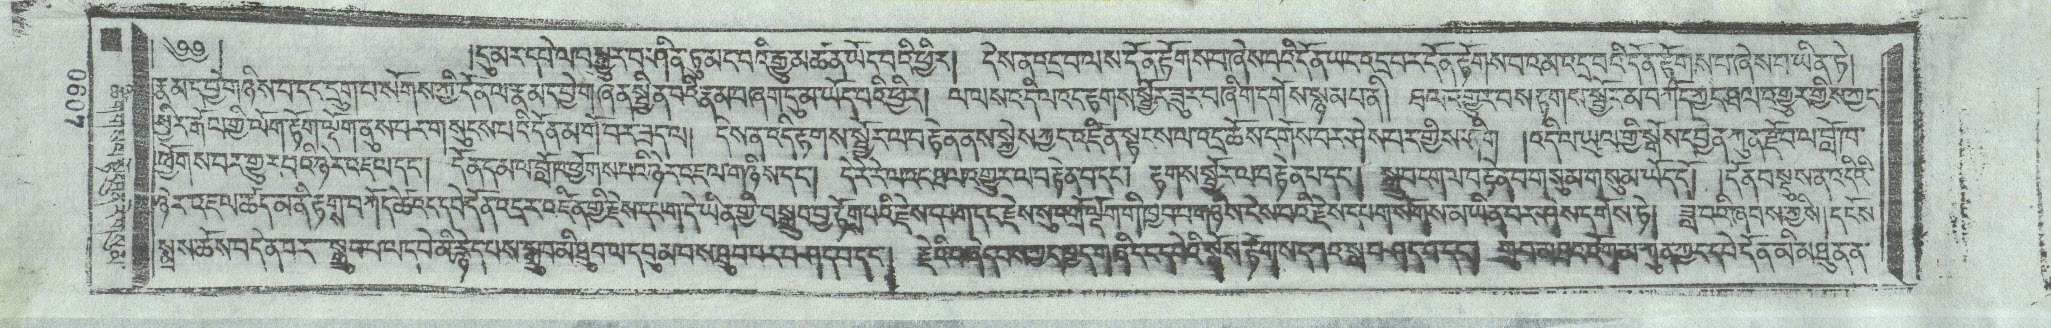༄༅། །དུ་མར་དཔེ་ལ་བསྒྱུར་བ་ཤིན་ཏུ་མང་བའི་རྒྱུ་མཚན་ཡོད་པའི་ཕྱིར། དེས་ན་འདྲ་བ་ལས་དོན་རྟོགས་པ་ཞེས་པའི་དོན་ཡང་འདྲ་བར་དོན་རྟོགས་པའམ་འདྲ་བའི་དོན་རྟོགས་པ་ཞེས་པ་ཡིན་ཏེ།
རྣམ་དབྱེ་གཉིས་པ་དང་དྲུག་པ་སོགས་ཀྱི་དོན་ལ་རྣམ་དབྱེ་གཞན་སྦྱིན་པའི་རྣམ་བཞག་དུ་མ་ཡོད་པའི་ཕྱིར། ལ་ལས་འདི་ལའང་རྟགས་སྦྱོར་ཟུར་བ་ཞིག་དགོས་སྙམ་པ་ནི། ཐལ་འགྱུར་བས་རྟགས་སྦྱོར་མ་བཀོད་ཀྱང་ཐལ་འགྱུར་གྱིས་ཀྱང་
ཕྱིར་རྒོལ་གྱི་ལོག་རྟོག་ལྡོག་ནུས་པར་གསུངས་པའི་དོན་མགོ་བར་ཟད་ལ། དེས་ན་འདི་རྟགས་སྦྱོར་ལ་བརྟེན་ནས་སྐྱེས་ཀྱང་འཛིན་སྟངས་ལ་འདྲ་ཆོས་དགོས་པར་ཤེས་པར་གྱིས་ཤིག །འདི་ལ་ཡུལ་གྱི་སྒོས་དབྱེ་ན་ཀུན་རྫོབ་ལ་བློ་ཁ་
ཕྱོགས་བར་གྱུར་པའི་ཉེར་འཇལ་དང་། དོན་དམ་ལ་བློ་ཁ་ཕྱོགས་པའི་ཉེར་འཇལ་གཉིས་དང་། དེ་རེ་རེ་ལའང་ཐལ་འགྱུར་ལ་བརྟེན་པ་དང་། རྟགས་སྦྱོར་ལ་བརྟེན་པ་དང་། སྒྲུབ་ངག་ལ་བརྟེན་པ་གསུམ་གསུམ་ཡོད་དོ། །དོན་བསྡུས་ན་འདིའི་
ཉེར་འཇལ་ཚད་མ་ནི་རྟགས་བཀོད་ཚེའང་དཔེ་དོན་འདྲར་འཛིན་གྱི་རྗེས་དཔག་དེ་ཡིན་གྱི་བསྒྲུབ་བྱ་རྟོགས་པའི་རྗེས་དཔག་དང་རྗེས་སུ་འགྲོ་ལྡོག་གི་ཁྱབ་པ་གཉིས་ངེས་པའི་རྗེས་དཔག་སོགས་མ་ཡིན་པར་ཤེས་དགོས་ཏེ། ཟླ་བའི་ཞབས་ཀྱིས། དངོས་
སྨྲས་ཆོས་བདེན་པར་སྒྲུབ་པ་ལ་དཔེ་མི་རྙེད་པས་སྒྲུབ་མི་ཐུབ་ལ་དབུ་མ་བས་ཐུབ་པར་བཤད་པ་དང་། རྗེའི་བཞེད་པས་ཀྱང་ཁྱད་གཞི་དང་དཔེའི་སྒོས་རྟོགས་དཀའ་སླ་བཤད་པ་དང་། གྲུབ་མཐའ་འོག་མ་ཀུན་ཀྱང་དཔེ་དོན་མི་མཐུན་ན་